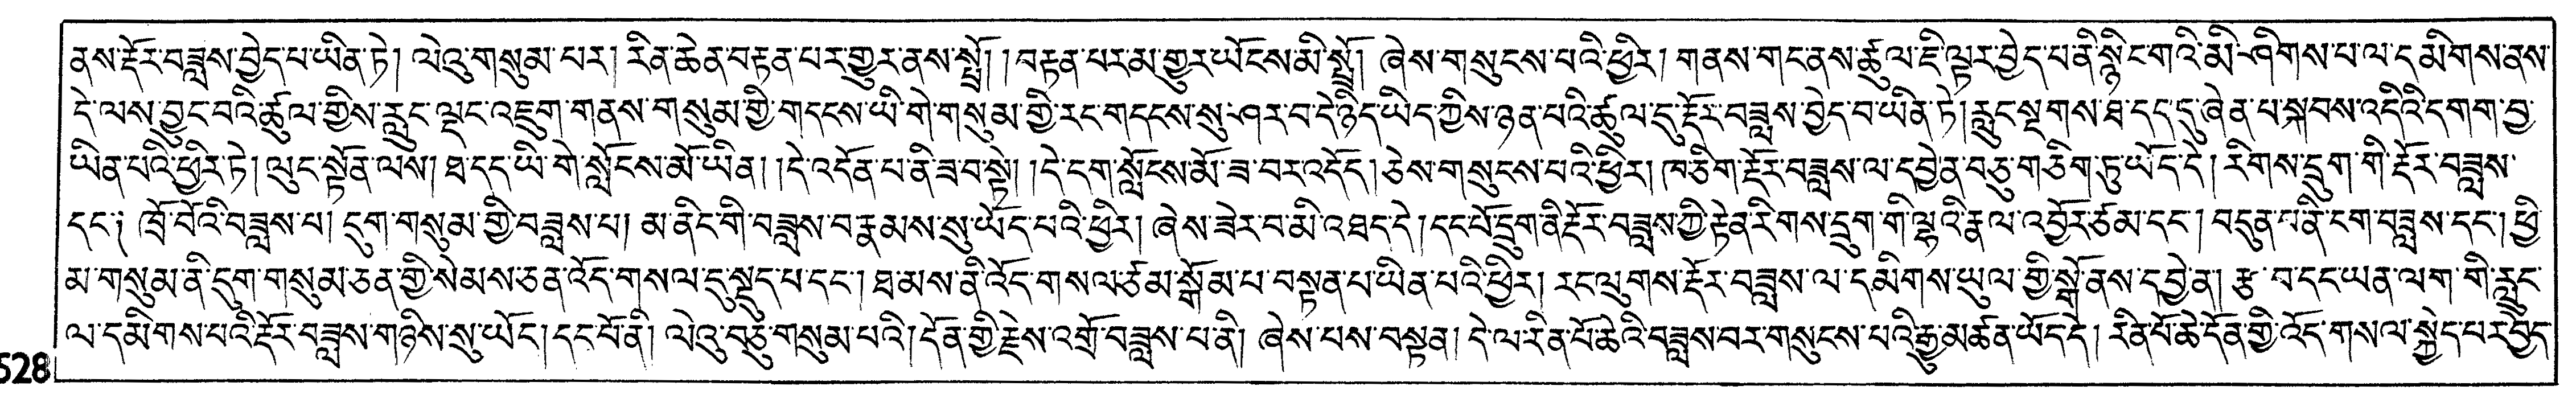ནས་རྡོར་བཟླས་བྱེད་པ་ཡིན་ཏེ། ལེའུ་གསུམ་པར། རིན་ཆེན་བརྟན་པར་གྱུར་ནས་སྤྲོ། །བརྟན་པར་མ་གྱུར་ཡོངས་མི་སྤྲོ། ཞེས་གསུངས་པའི་ཕྱིར། གནས་གང་ནས་ཚུལ་ཇི་ལྟར་བྱེད་པ་ནི་སྙིང་གའི་མི་ཤིགས་པ་ལ་དམིགས་ནས་
དེ་ལས་བྱུང་བའི་ཚུལ་གྱིས་རླུང་ལྡང་འཇུག་གནས་གསུམ་གྱི་གདངས་ཡི་གེ་གསུམ་གྱི་རང་གདངས་སུ་ཤར་བ་དེ་ཉིད་ཡིད་ཀྱིས་ཉན་པའི་ཚུལ་དུ་རྡོར་བཟླས་བྱེད་པ་ཡིན་ཏེ། རླུང་སྔགས་ཐ་དད་དུ་ཞེན་པ་སྐབས་འདིའི་དགག་བྱ་
ཡིན་པའི་ཕྱིར་ཏེ། ལུང་སྟོན་ལས། ཐ་དད་ཡི་གེ་སློངས་མོ་ཡིན། །དེ་འདོན་པ་ནི་ཟ་བ་སྟེ། །དེ་དག་སློངས་མོ་ཟ་བར་འདོད། ཅེས་གསུངས་པའི་ཕྱིར། ཁ་ཅིག་རྡོར་བཟླས་ལ་དབྱེ་ན་བཅུ་གཅིག་ཏུ་ཡོད་དེ། རིགས་དྲུག་གི་རྡོར་བཟླས་
དང༑ ཁྲོ་བོའི་བཟླས་པ། དུག་གསུམ་གྱི་བཟླས་པ། མ་ནིང་གི་བཟླས་པ་རྣམས་སུ་ཡོད་པའི་ཕྱིར། ཞེས་ཟེར་བ་མི་འཐད་དེ། དང་པོ་དྲུག་ནི་རྡོར་བཟླས་ཀྱི་རྟེན་རིགས་དྲུག་གི་ལྷའི་རྣལ་འབྱོར་ཙམ་དང་། བདུན་པ་ནི་ངག་བཟླས་དང་། ཕྱི་
མ་གསུམ་ནི་དུག་གསུམ་ཅན་གྱི་སེམས་ཅན་འོད་གསལ་དུ་སྡུད་པ་དང་། ཐ་མས་ནི་འོད་གསལ་ཙམ་སྒོམ་པ་བསྟན་པ་ཡིན་པའི་ཕྱིར། རང་ལུགས་རྡོར་བཟླས་ལ་དམིགས་ཡུལ་གྱི་སྒོ་ནས་དབྱེ་ན། རྩ་བ་དང་ཡན་ལག་གི་རླུང་
ལ་དམིགས་པའི་རྡོར་བཟླས་གཉིས་སུ་ཡོད། དང་པོ་ནི། ལེའུ་བཅུ་གསུམ་པའི། དོན་གྱི་རྗེས་འགྲོ་བཟླས་པ་ནི། ཞེས་པས་བསྟན། དེ་ལ་རིན་པོ་ཆེའི་བཟླས་པར་གསུངས་པའི་རྒྱུ་མཚན་ཡོད་དེ། རིན་པོ་ཆེ་དོན་གྱི་འོད་གསལ་སྐྱེད་པར་བྱེད་